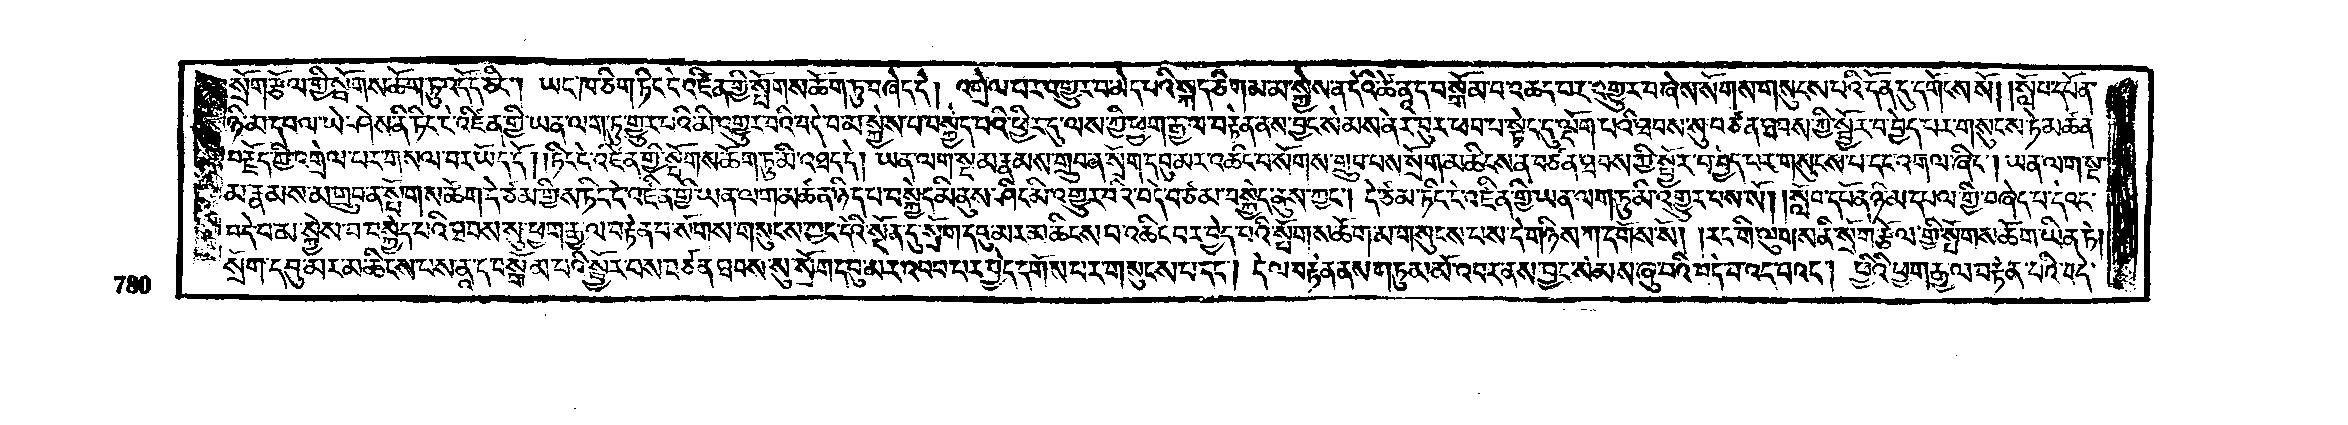སྲོག་རྩོལ་གྱི་སྤོགས་ཆོག་ཏུ་འདོད་ཅིང་། ཡང་ཁ་ཅིག་ཏིང་ངེ་འཛིན་གྱི་སྤོགས་ཆོག་ཏུ་བཞེད་དེ། འགྲེལ་བར་འགྱུར་བ་མེད་པའི་སྐད་ཅིག་མ་མ་སྐྱེས་ནས་དེའི་ཚེ་ནཱ་ད་བསྒོམ་པ་འཆད་པར་འགྱུར་བ་ཞེས་སོགས་གསུངས་པའི་དོན་དུ་དགོངས་སོ། །སློབ་དཔོན་
ཉི་མ་དཔལ་ཡེ་ཤེས་ནི་ཏིང་ངེ་འཛིན་གྱི་ཡན་ལག་ཏུ་གྱུར་བའི་མི་འགྱུར་བའི་བདེ་བ་མ་སྐྱེས་པ་བསྐྱེད་པའི་ཕྱིར་དུ་ལས་ཀྱི་ཕྱག་རྒྱ་ལ་བརྟེན་ནས་བྱང་སེམས་ནོར་བུར་ཕབ་པ་སྟེང་དུ་ལྡོག་པའི་ཐབས་སུ་བཙན་ཐབས་ཀྱི་སྦྱོར་བ་བྱེད་པར་གསུངས་ཏེ་མཚན་
བརྗོད་ཀྱི་འགྲེལ་པར་གསལ་བར་ཡོད་དོ། །ཏིང་ངེ་འཛིན་གྱི་སྤོགས་ཆོག་ཏུ་མི་འཐད་དེ། ཡན་ལག་སྔ་མ་རྣམས་གྲུབ་ན་སྲོག་དབུ་མར་འཆིང་བ་སོགས་གྲུབ་པས་སྲོག་མཆིངས་ན་བཙན་ཐབས་ཀྱི་སྦྱོར་བ་བྱེད་པར་གསུངས་པ་དང་འགལ་ཞིང་། ཡན་ལག་སྔ་
མ་རྣམས་མ་གྲུབ་ན་སྤོགས་ཆོག་དེ་ཙམ་གྱིས་ཏིང་ངེ་འཛིན་གྱི་ཡན་ལག་མཚན་ཉིད་པ་བསྐྱེད་མི་ནུས་ཤིང་མི་འགྱུར་བའི་བདེ་བ་ཙམ་བསྐྱེད་ནུས་ཀྱང་། དེ་ཙམ་ཏིང་ངེ་འཛིན་གྱི་ཡན་ལག་ཏུ་མི་འགྱུར་པས་སོ། །སློབ་དཔོན་ཉི་མ་དཔལ་གྱི་བཞེད་པ་དེའང་
བདེ་བ་མ་སྐྱེས་པ་བསྐྱེད་པའི་ཐབས་སུ་ཕྱག་རྒྱ་ལ་བརྟེན་པ་སོགས་གསུངས་ཀྱང་དེའི་སྔོན་དུ་སྲོག་དབུ་མར་མཆིངས་པ་འཆིང་བར་བྱེད་པའི་སྤོགས་ཆོག་མ་གསུངས་པས་དེ་གཉིས་ཀ་དགོས་སོ། །རང་གི་ལུགས་ནི་སྲོག་རྩོལ་གྱི་སྤོགས་ཆོག་ཡིན་ཏེ།
སྲོག་དབུ་མར་མ་ཆིངས་པས་ན་ད་བསྒོམ་པའི་སྦྱོར་བས་བཙན་ཐབས་སུ་སྲོག་དབུ་མར་འབབ་པར་བྱེད་དགོས་པར་གསུངས་པ་དང་། དེ་ལ་བརྟེན་ནས་གཏུམ་མོ་འབར་ནས་བྱང་སེམས་ཞུ་བའི་བདེ་བ་འདི་པའང་། ཕྱིའི་ཕྱག་རྒྱ་ལ་བརྟེན་པའི་བདེ་